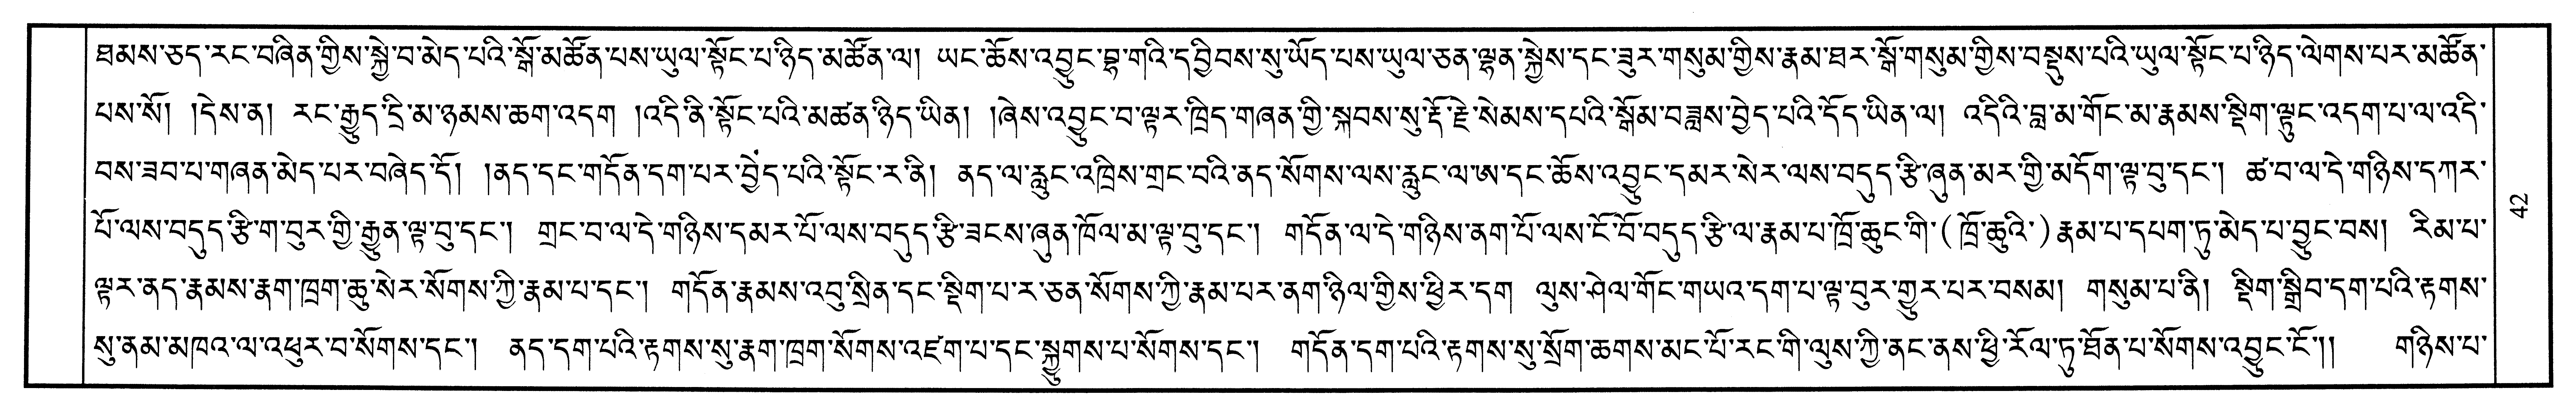ཐམས་ཅད་རང་བཞིན་གྱིས་སྐྱེ་བ་མེད་པའི་སྒོ་མཚོན་པས་ཡུལ་སྟོང་པ་ཉིད་མཚོན་ལ། ཡང་ཆོས་འབྱུང་བྷ་གའི་དབྱིབས་སུ་ཡོད་པས་ཡུལ་ཅན་ལྷན་སྐྱེས་དང་ཟུར་གསུམ་གྱིས་རྣམ་ཐར་སྒོ་གསུམ་གྱིས་བསྡུས་པའི་ཡུལ་སྟོང་པ་ཉིད་ལེགས་པར་མཚོན་
པས་སོ། །དེས་ན། རང་རྒྱུད་དྲི་མ་ཉམས་ཆག་འདག །འདི་ནི་སྟོང་པའི་མཚན་ཉིད་ཡིན། །ཞེས་འབྱུང་བ་ལྟར་ཁྲིད་གཞན་གྱི་སྐབས་སུ་རྡོ་རྗེ་སེམས་དཔའི་སྒོམ་བཟླས་བྱེད་པའི་དོད་ཡིན་ལ། འདིའི་བླ་མ་གོང་མ་རྣམས་སྡིག་ལྟུང་འདག་པ་ལ་འདི་
བས་ཟབ་པ་གཞན་མེད་པར་བཞེད་དོ། །ནད་དང་གདོན་དག་པར་བྱེད་པའི་སྟོང་ར་ནི། །ནད་ལ་རླུང་འཁྲིས་གྲང་བའི་ནད་སོགས་ལས་རླུང་ལ་ཨ་དང་ཆོས་འབྱུང་དམར་སེར་ལས་བདུད་རྩི་ཞུན་མར་གྱི་མདོག་ལྟ་བུ་དང་། ཚ་བ་ལ་དེ་གཉིས་དཀར་
པོ་ལས་བདུད་རྩི་ག་བུར་གྱི་རྒྱུན་ལྟ་བུ་དང་། གྲང་བ་ལ་དེ་གཉིས་དམར་པོ་ལས་བདུད་རྩི་ཟངས་ཞུན་ཁོལ་མ་ལྟ་བུ་དང་། གདོན་ལ་དེ་གཉིས་ནག་པོ་ལས་ངོ་བོ་བདུད་རྩི་ལ་རྣམ་པ་ཁྲོ་ཆུང་གི་ཁྲོ་ཆུའི་རྣམ་པ་དཔག་ཏུ་མེད་པ་བྱུང་བས། རིམ་པ་
ལྟར་ནད་རྣམས་རྣག་ཁྲག་ཆུ་སེར་སོགས་ཀྱི་རྣམ་པ་དང་། གདོན་རྣམས་འབུ་སྲིན་དང་སྡིག་པ་ར་ཅན་སོགས་ཀྱི་རྣམ་པར་ནག་ཉིལ་གྱིས་ཕྱིར་དག་ལུས་ཤེལ་གོང་གཡའ་དག་པ་ལྟ་བུར་གྱུར་པར་བསམ། གསུམ་པ་ནི། སྡིག་སྒྲིབ་དག་པའི་རྟགས་
སུ་ནམ་མཁའ་ལ་འཕུར་བ་སོགས་དང་། ནད་དག་པའི་རྟགས་སུ་རྣག་ཁྲག་སོགས་འཛག་པ་དང་སྐྱུགས་པ་སོགས་དང་། གདོན་དག་པའི་རྟགས་སུ་སྲོག་ཆགས་མང་པོ་རང་གི་ལུས་ཀྱི་ནང་ནས་ཕྱི་རོལ་ཏུ་ཐོན་པ་སོགས་འབྱུང་ངོ། །གཉིས་པ་